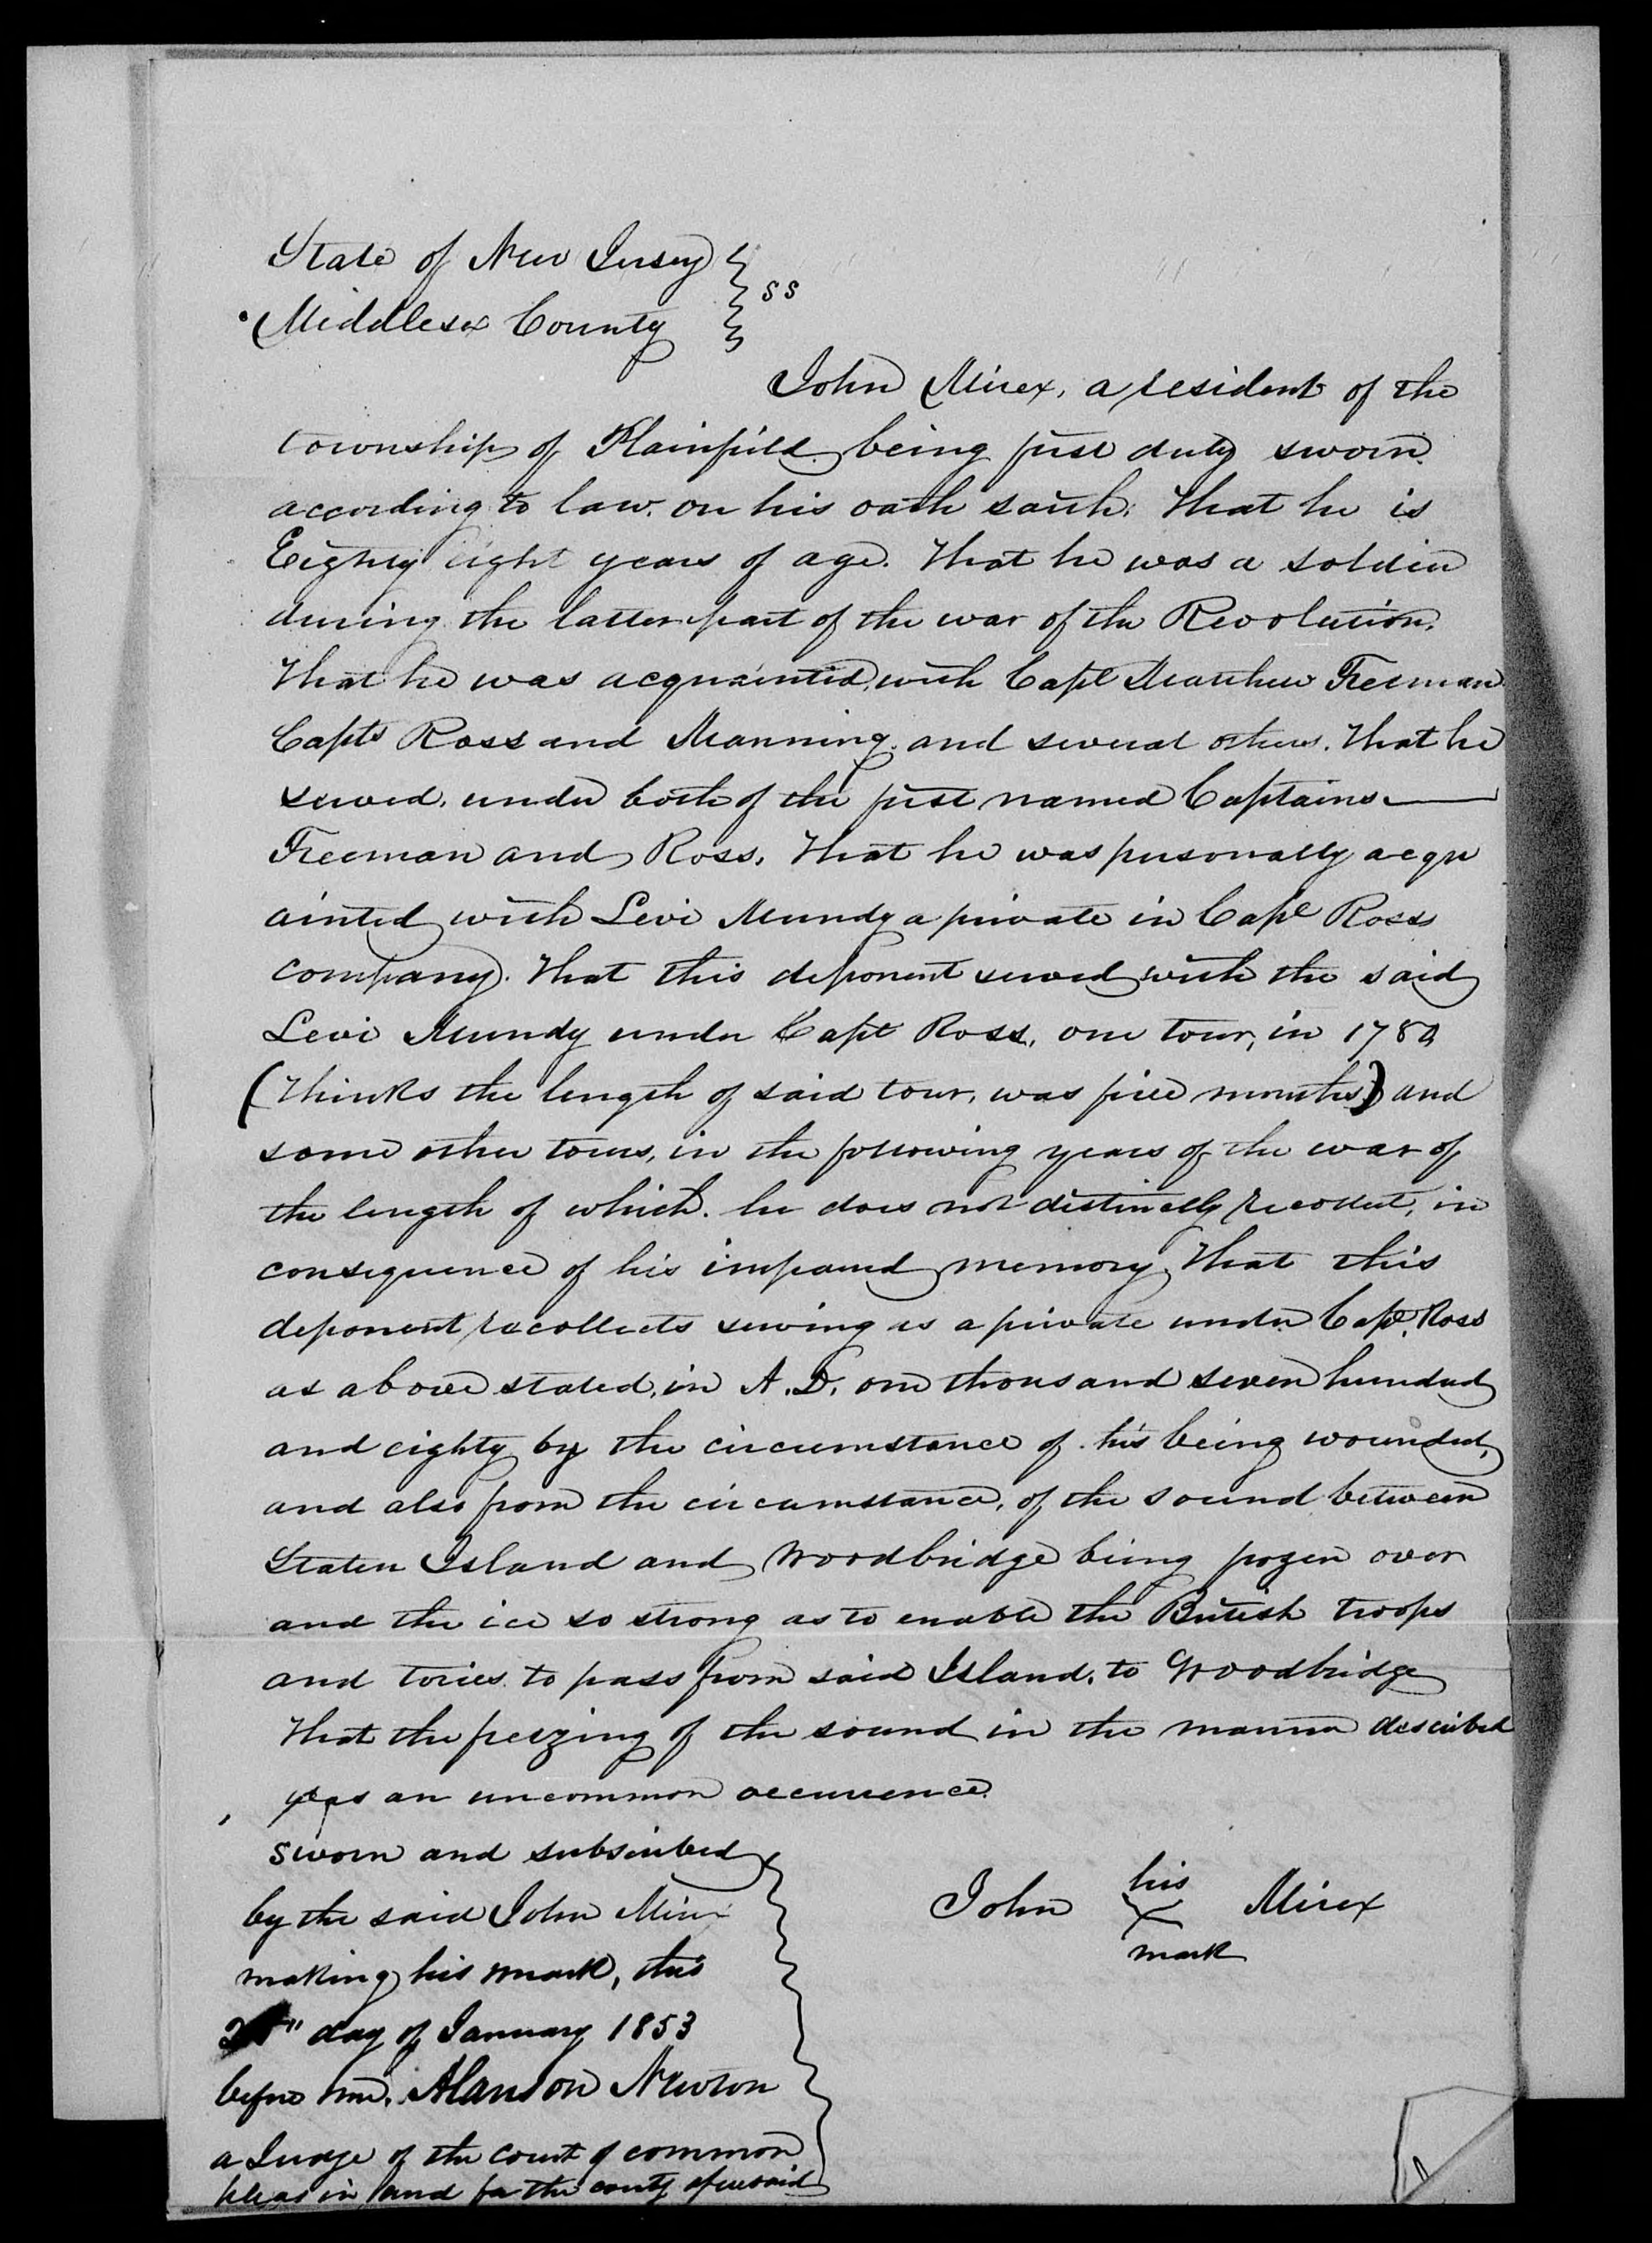State of New Jersey
Middlesex County//

John Mirex, a resident of the Township of Plainfield, being first duly sworn according to law on his oath saith. That he is Eighty eight years of age. That he was a soldier during the latter part of the War of the Revolution. That he was acquainted with Capt. Mathew Freeman, Capts. Ross and Manning, and several others. That he served under both of the first named Captains Freeman and Ross. That he was personally acquainted with Levi Mundy, a private in Capt. Ross' company. That this deponent served with the said Levi Mundy under Capt. Ross one tour in 1780, (thinks the length of said tour was five months) and some other tours in the following years of the war of the length of which he does not distinctly recollect, in consequence of his impaired memory, that this deponent recollects serving as a private under Capt. Ross as above stated in A.D. One Thousand Seven Hundred and Eighty by the circumstance of his being wounded and also from the circumstance of the sound between Staten Island and Woodbridge being frozen over and the ice so strong as to enable the British troops and Tories to pass from said Island to Woodbridge, that the freezing of the sound in the manner described was an uncommon occurrence.
s/ John Mirex (X - his mark)

Sworn and subscribed by the said John Mirex making his mark this 25th day of January 1853 before me. 
s/ Alanson Newton, a Judge of the Court of Common Pleas in and for the County aforesaid.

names: [BLANK] Manning; Matthew Freeman; John Mirex; [BLANK] Ross; Levi Mundy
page: 43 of 95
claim: survivor's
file: S 2889, for Levi Mundy, New Jersey